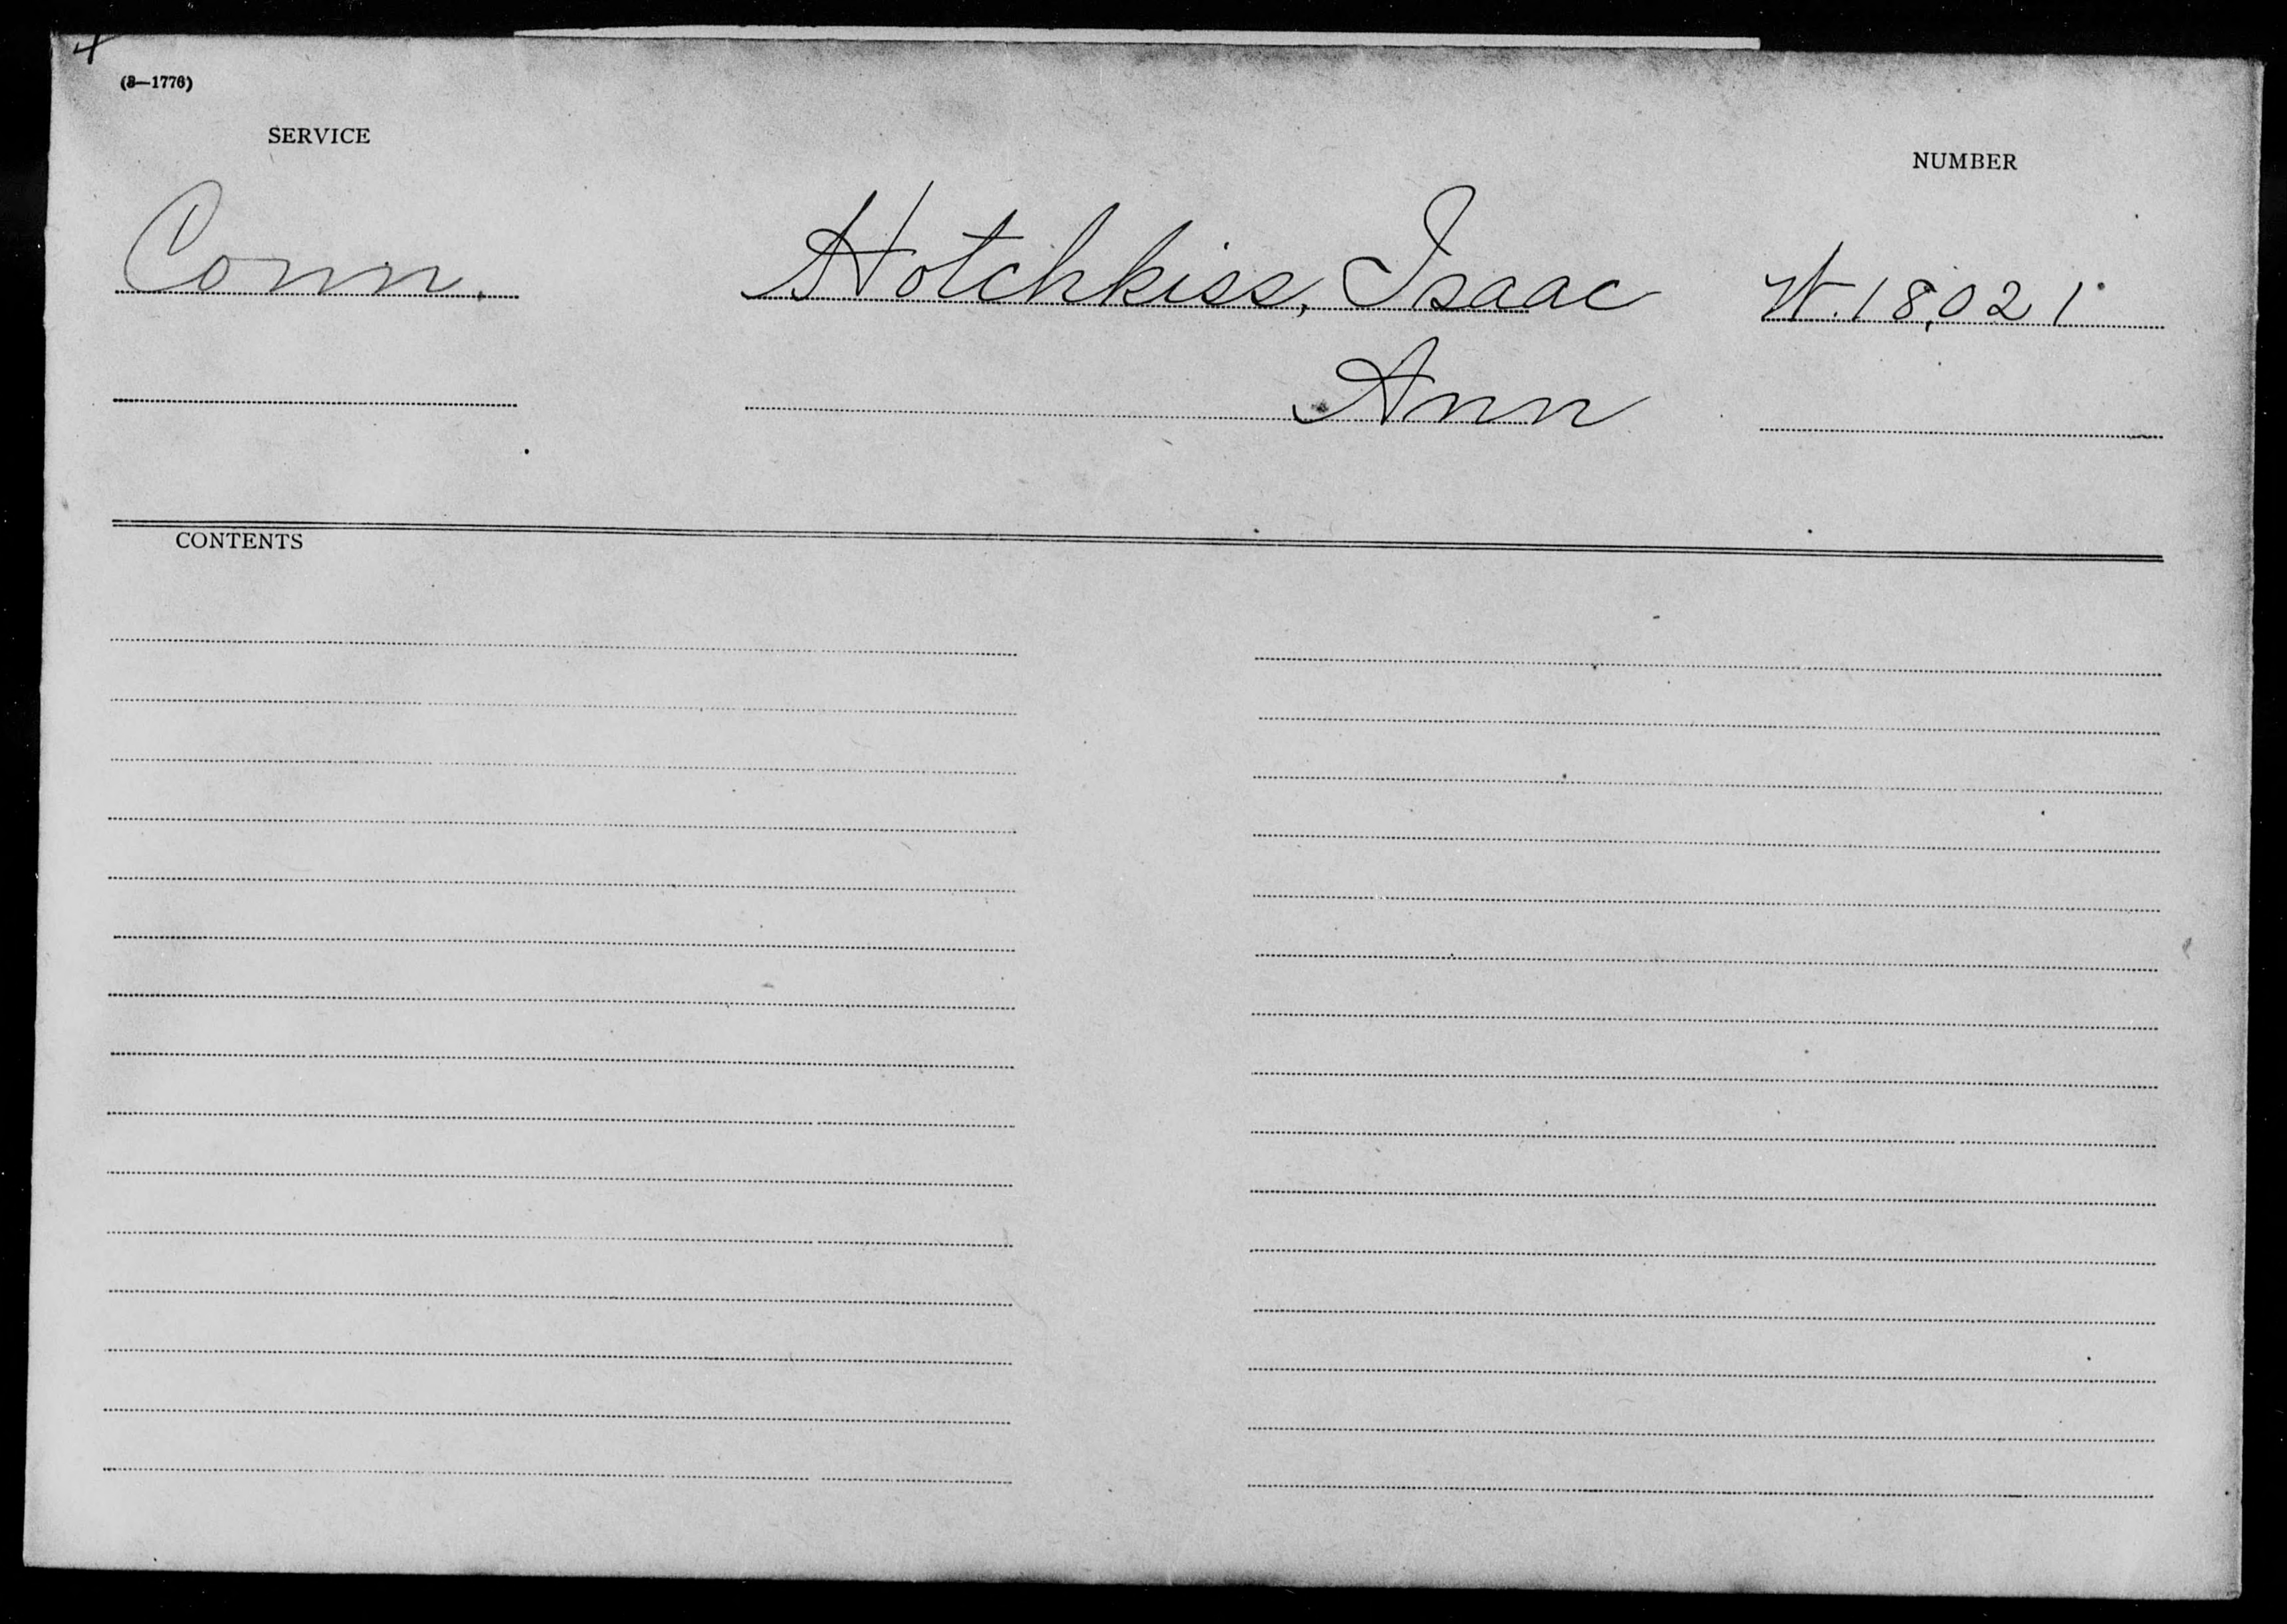[ typed] Service Number
[written] Conn
Hotchkiss, Isaac
Ann
W.18,021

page: 1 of 25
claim: widow's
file: W. 18,021, Isaac Hotchkiss, Conn.